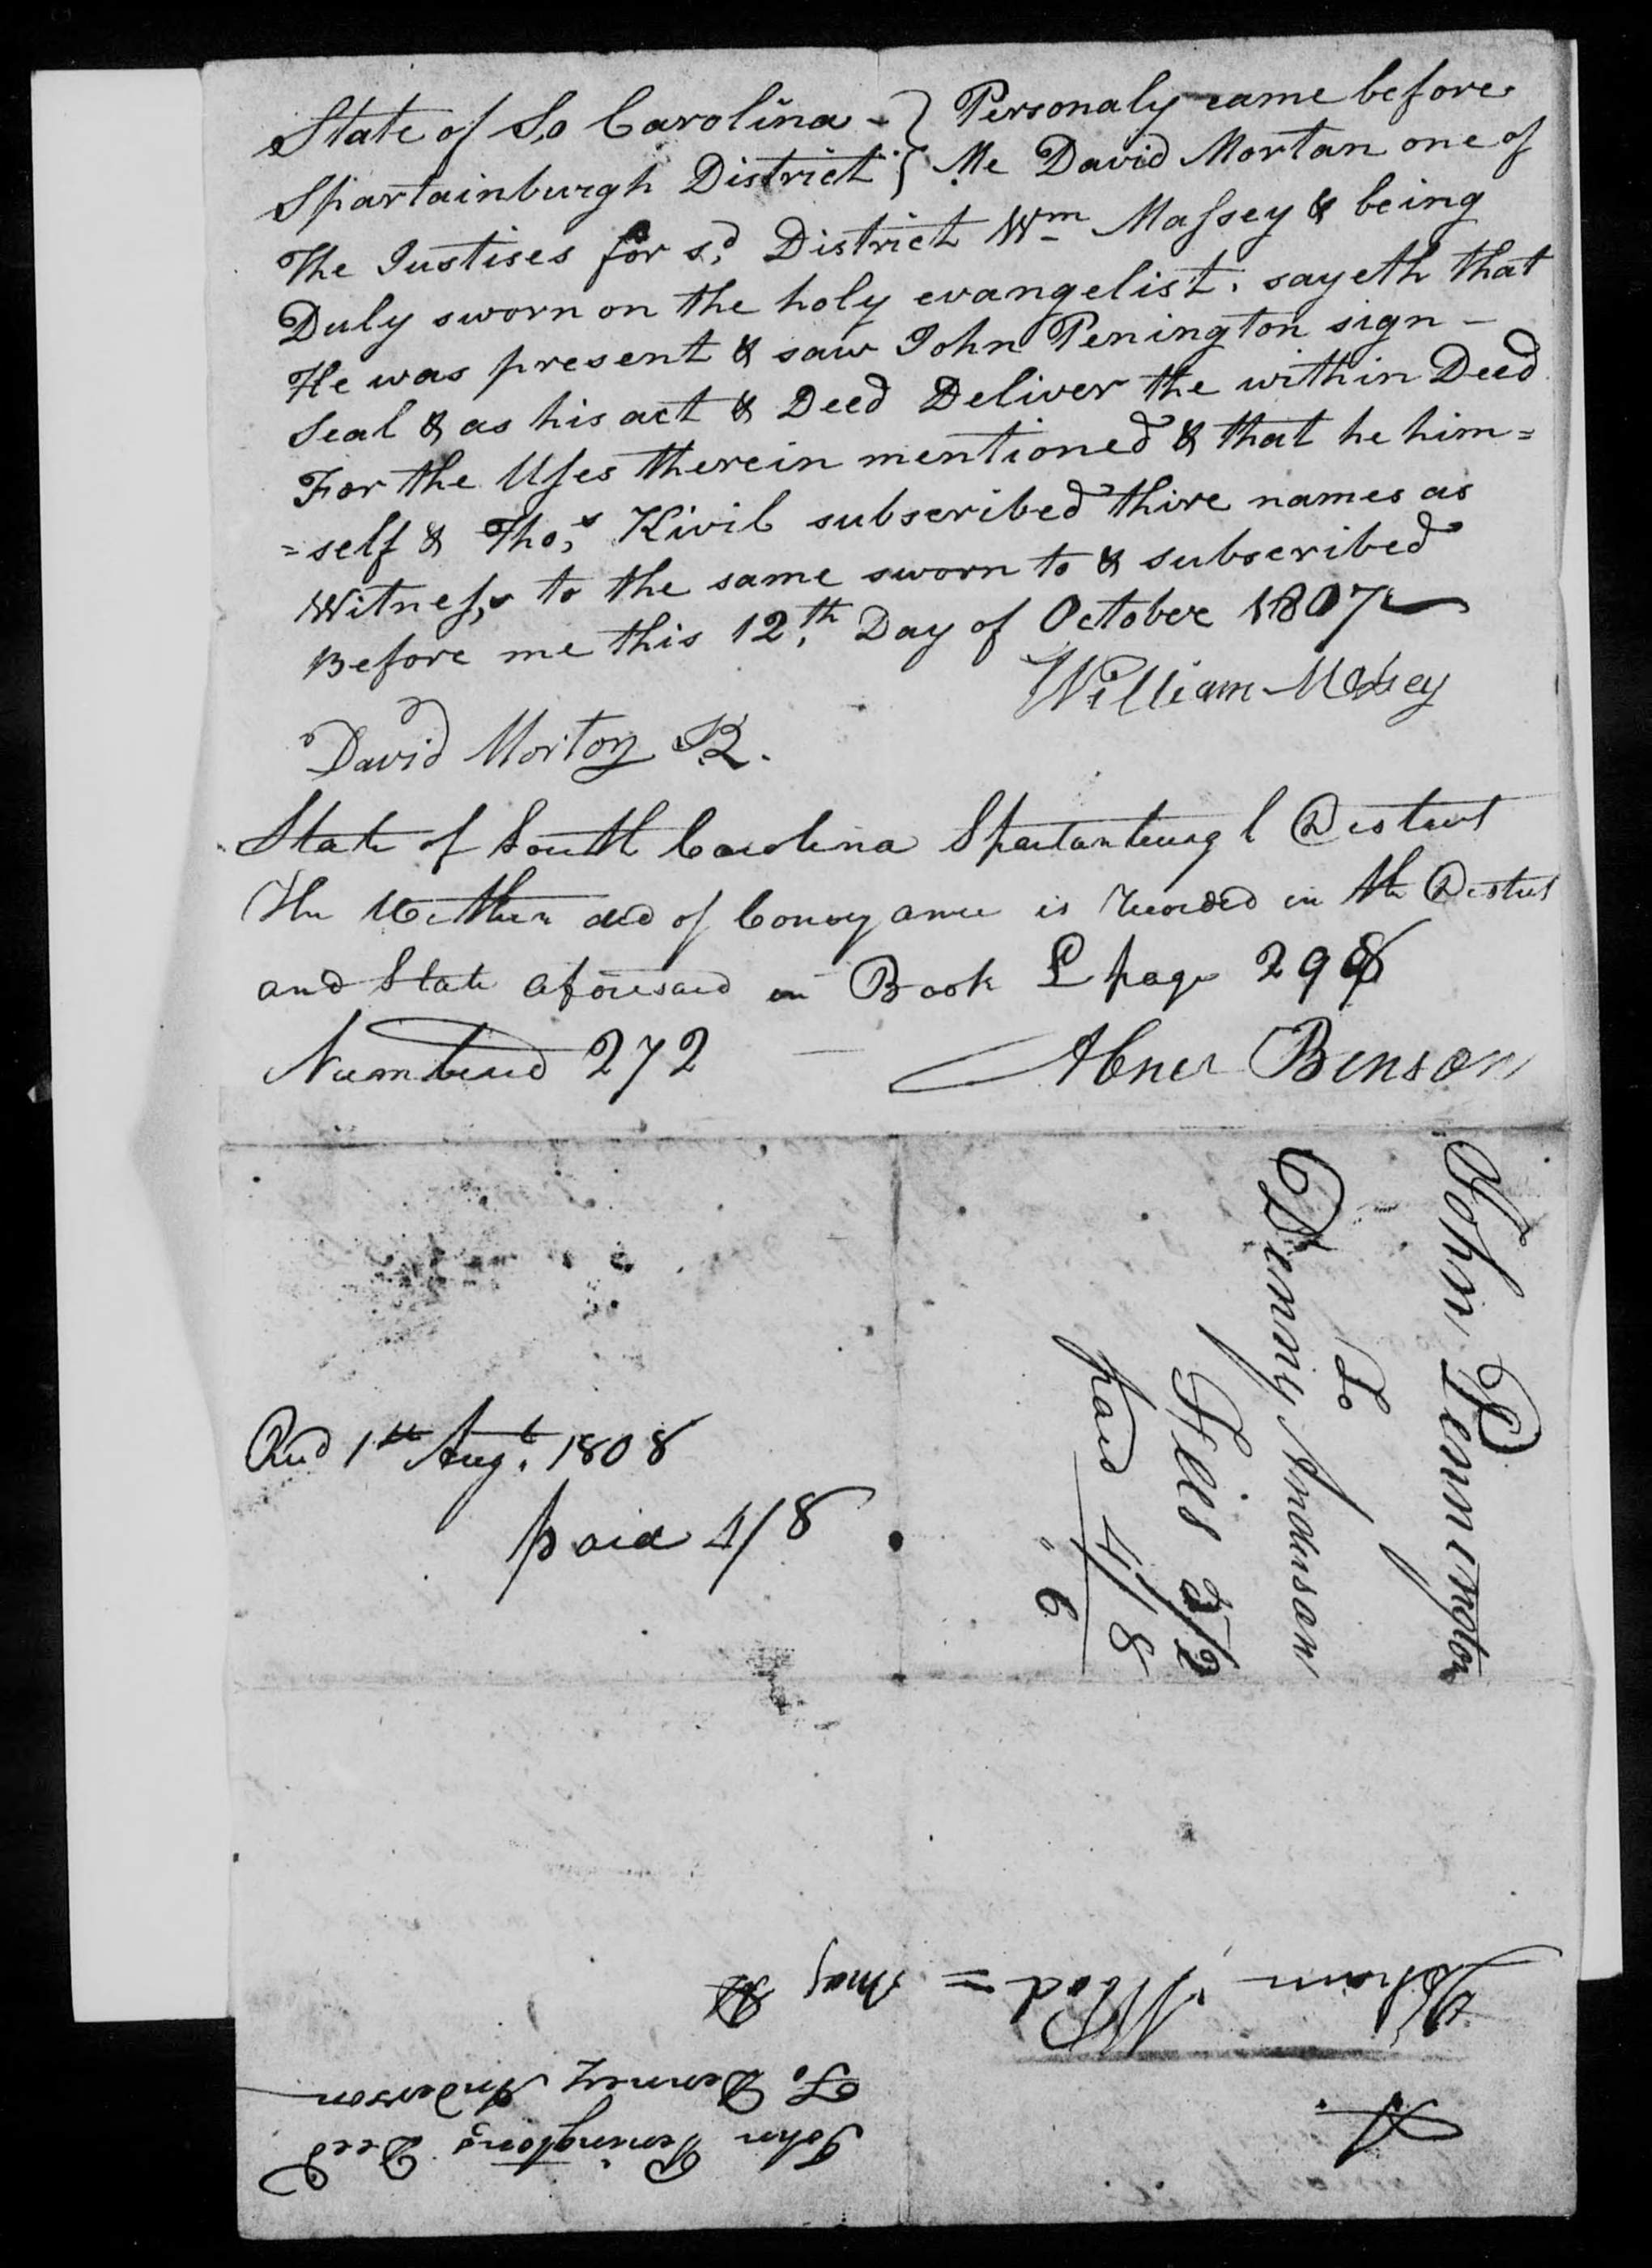State of So Carolina
Spartanburgh District
Personaly came before me David Morton one of the Justices for sd. District Wm. Massey & being Duly sworn on the holy evangelist sayeth that he was present & saw John Penington sign, seal & as his act & deed deliver the within Deed for the uses therein mentioned & that he himself & Thos. Kivil subscribed thire names as witness to the same sworn to & subscribed Before me this 12th day of October 1807
David Morton J.P.
William Massey

State of South Carolina Spartanburgh District
The within deed of Conveyance is recorded in the District and State aforesaid in Book L page 298 Numbered 272
Abner Benson


[middle section]
Aud 1st Augt. 1808
paid 4./8

John Pennington to Denny Anderson
Fees 5/2
Paid 4/8
---
6

[upside down printing]
A.
John Penington's Deed to Denney Anderson
Isham Wood Mag SD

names: John Penington, John Pennington, Denney Anderson, William Massey, Denny Anderson, David Morton, John Penington, David Morton, Abner Benson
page: 33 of 51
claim: widow's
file: W. 9700, Denney Anderson, S.C.